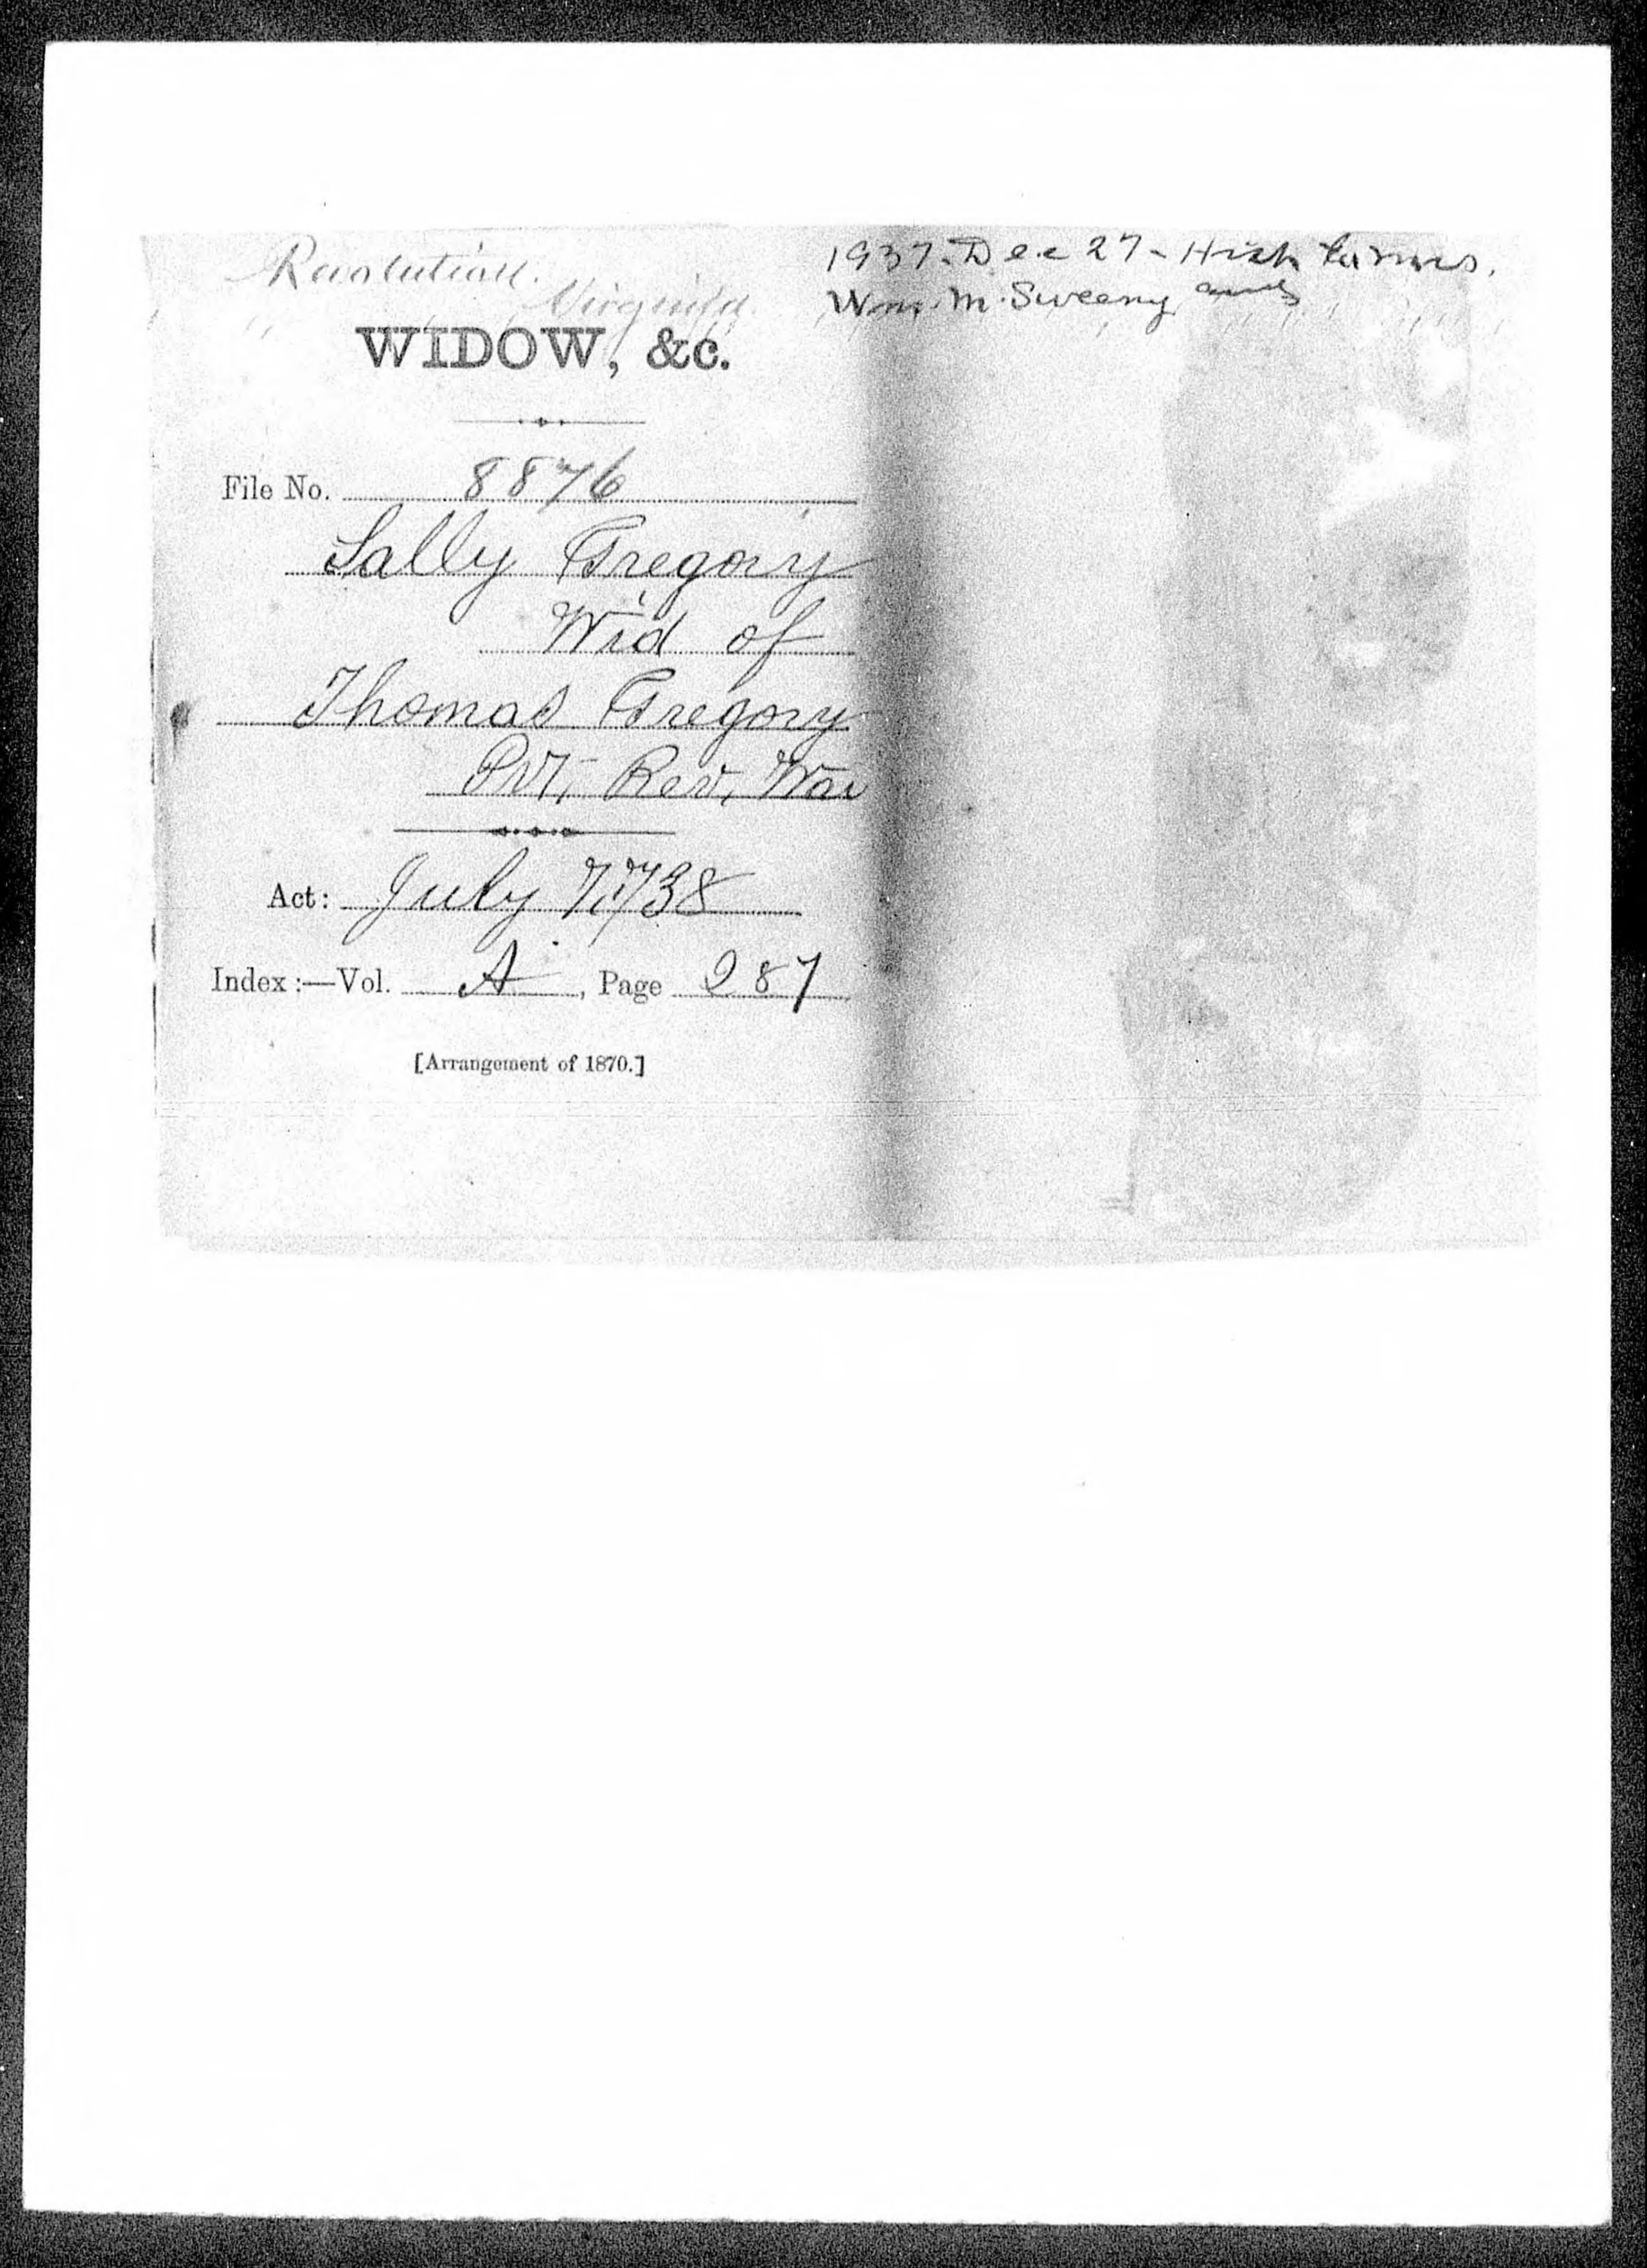Revolution Virginia
WIDOW, &c.
File No. 8876

Sally Gregory 
Wid of 
Thomas Gregory 
Pri Rev. War
---
Act: July 7th/38
Index: -- Vol. A Page 27

[Arrangement of 1870.]

1937 Dec 27 - Hist to Mrs.
Wm. M.  Sweeny [initials]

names: Thomas Gregory, Sally Gregory, Wm M Sweeny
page: 18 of 75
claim: widow's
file: W. 8876, Thomas Gregory, Continental Va